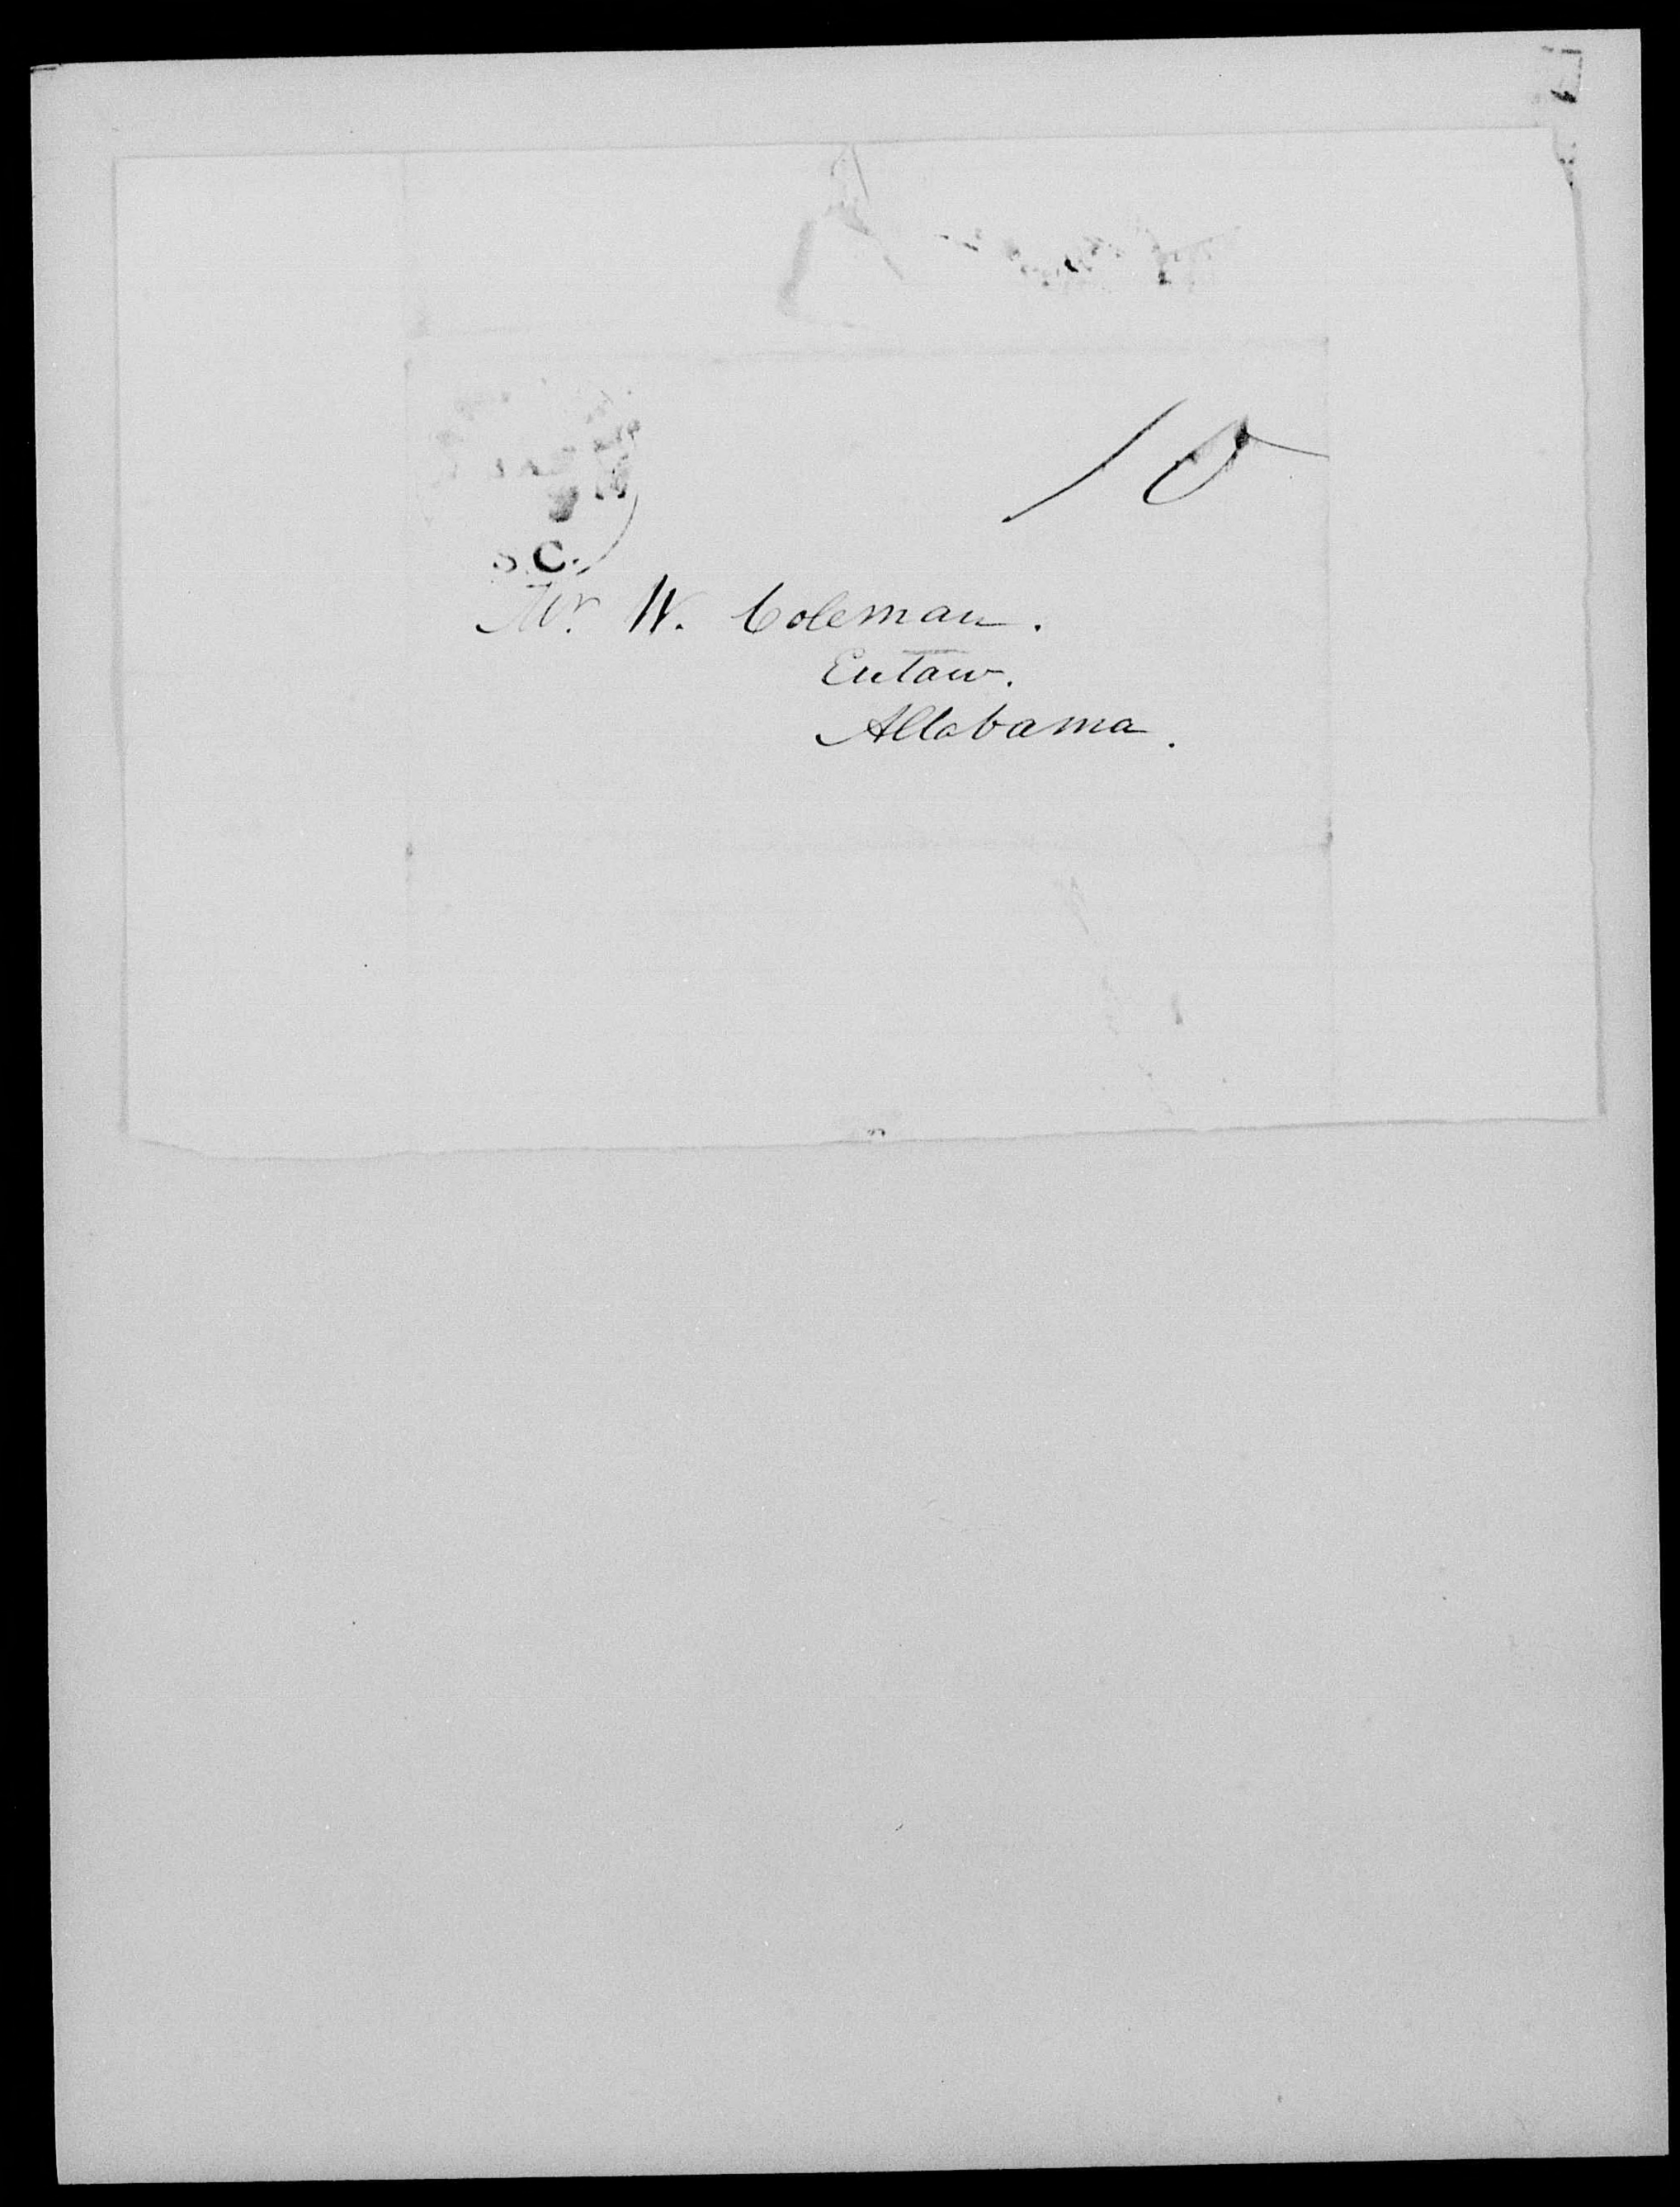[Illegible stamp]


10

Hon W. Coleman.
Eutaw.
Alabama.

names: W Coleman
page: 34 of 92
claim: widow's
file: W. 5522, for James Pettigrew, South Carolina